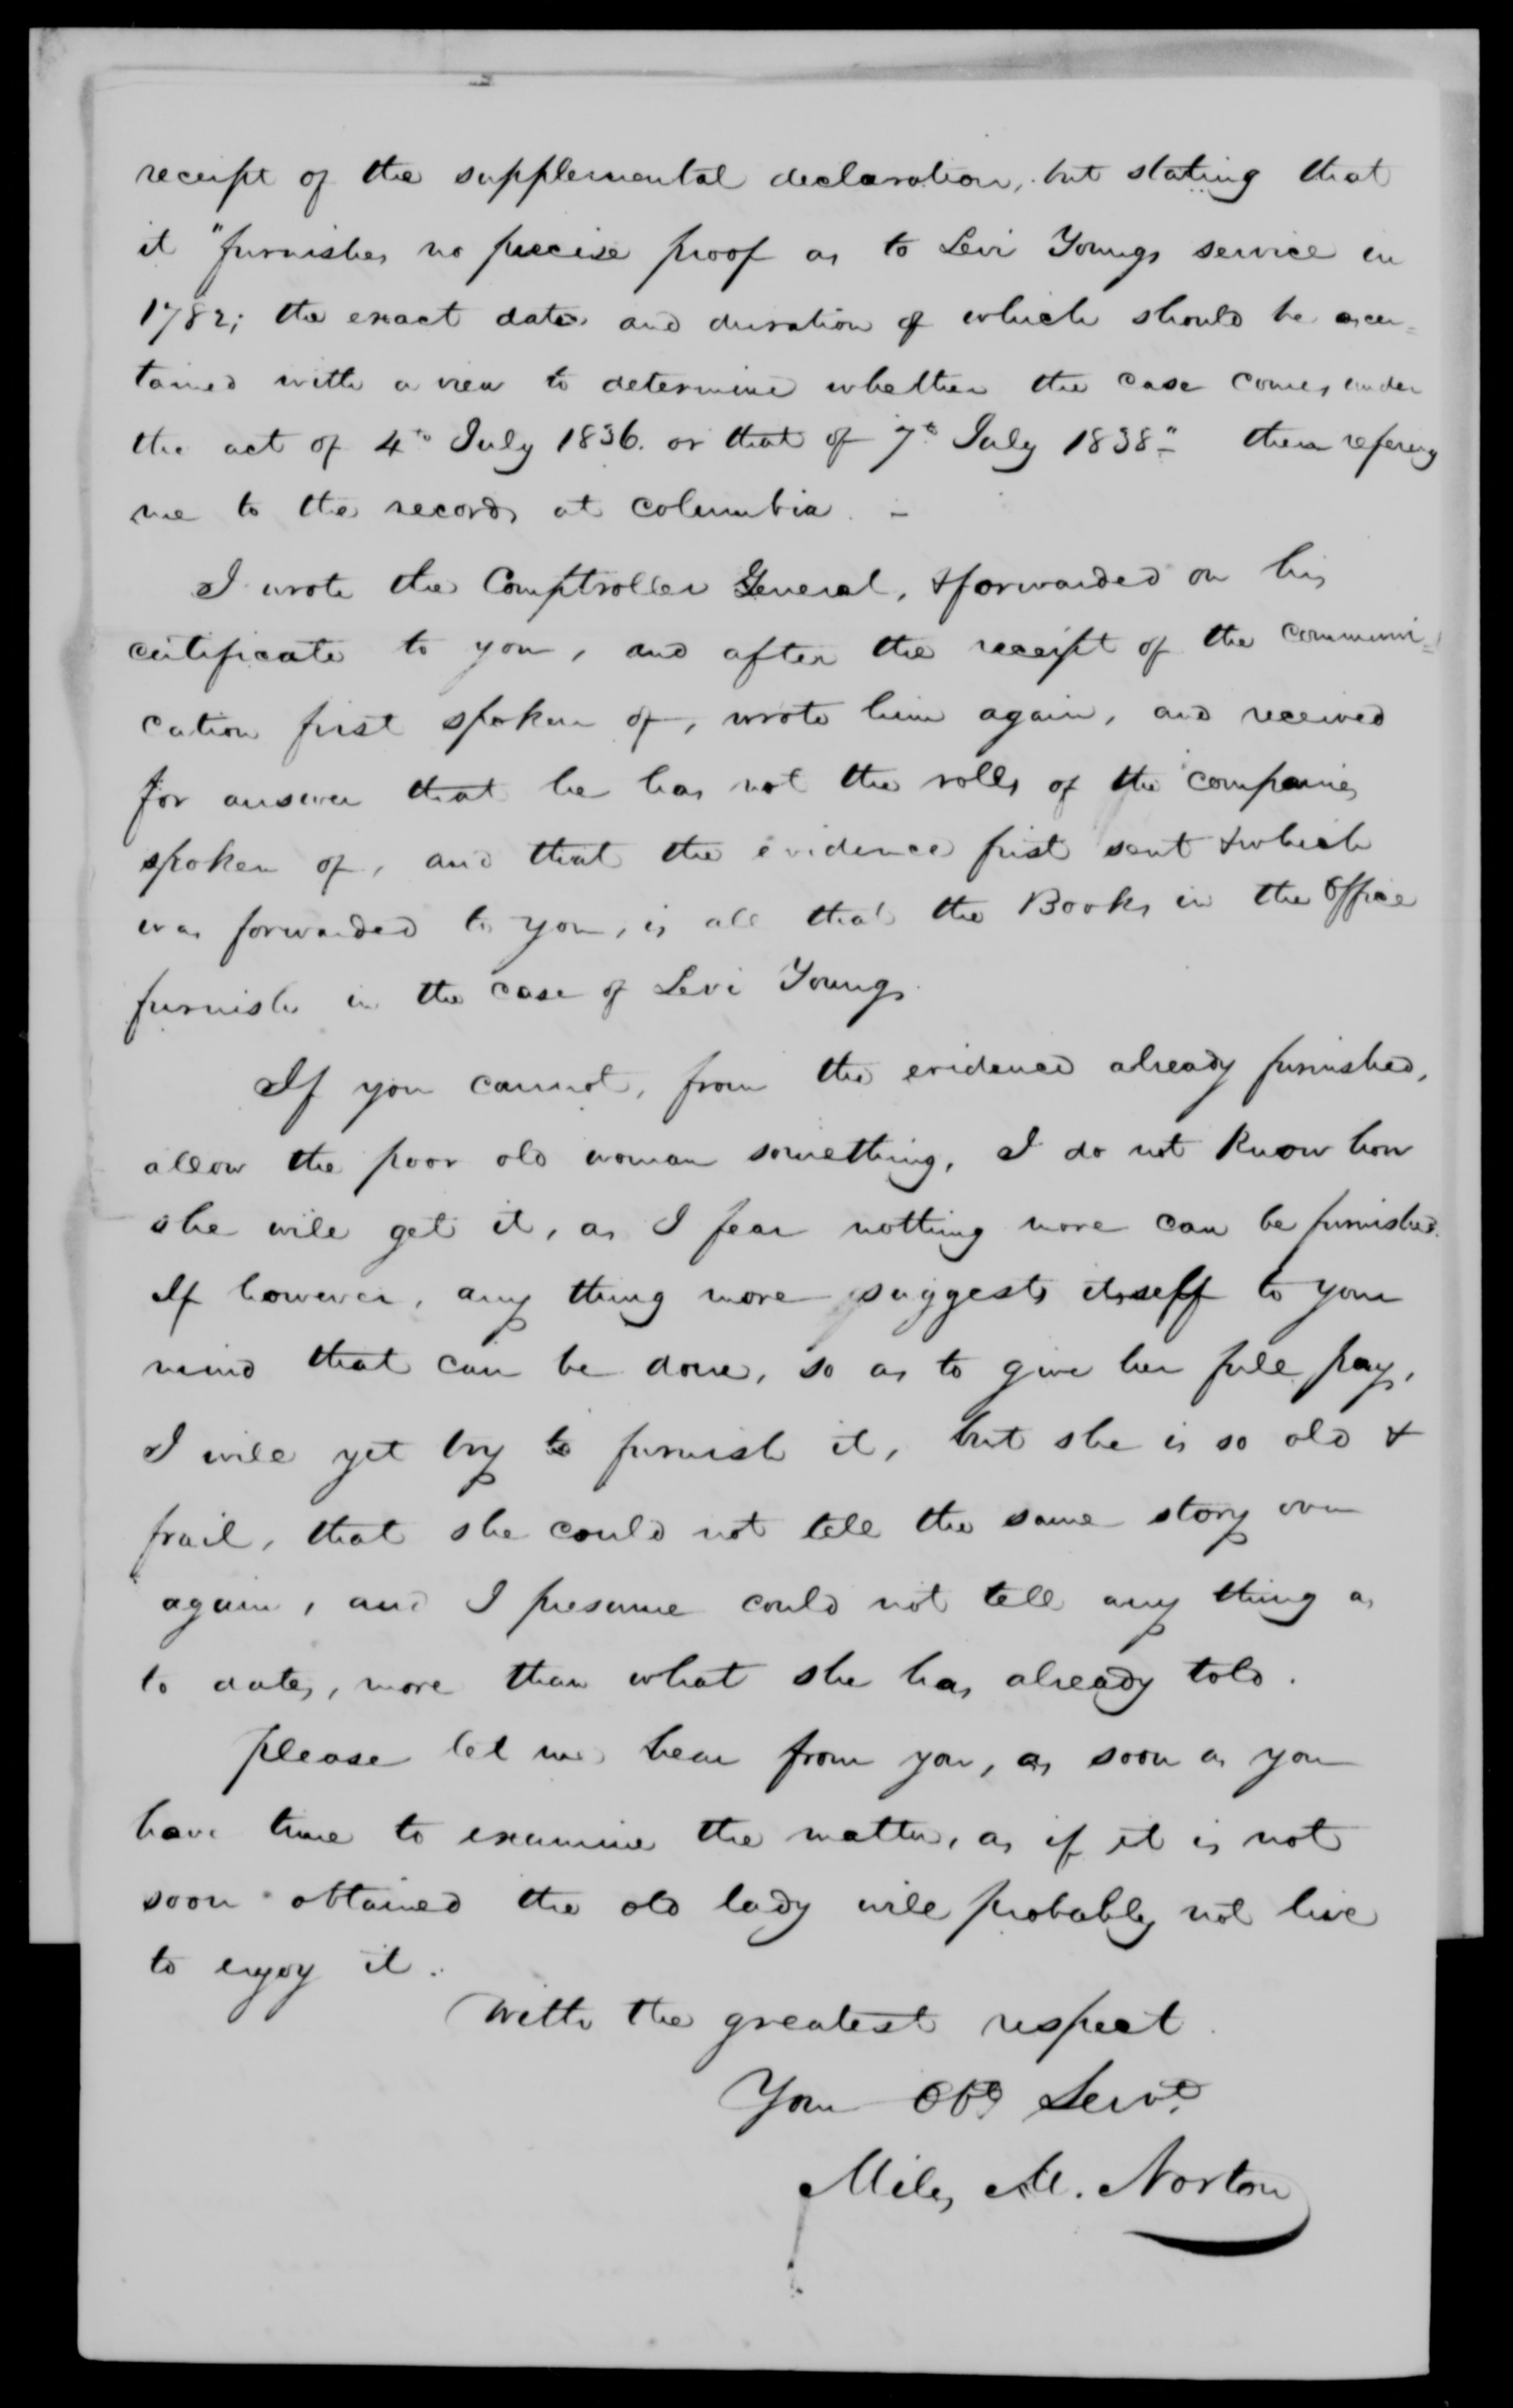receipt of the supplemental declaration, but stating that
it "furnishes no precise proof as to levy Youngs service in
1782; the exact date, and duration of which should be ascer
tained with a view to determine whether the case comes under
the act of 4th July 1836 or that of 7th July 1838-" then refering (sic referring)
me to the records at Columbia.

     I wrote the Comptroller General + forwarded on his
certificate you you, and after the receipt of the communi-
cation first spoken of, wrote him again, and received
for answer that he has not the rolls of the companies
spoken of, and that the evidence first sent + which
was forwarded to you, is all that the Books in the office
furnish in the case of Levi Young.

     If you cannot, from the evidence already furnished,
allow the poor old woman something, I do not know how
she will get it, as I fear nothing more can be furnished.
If however, any thing (sic anything) more suggests itself to your
mind that can be done, so as to give her full pay,
I will yet try to furnish it, but she is so old +
frail, that she could not tell the same story over
again, and I presume could not tell any thing (sic anything) as
to dates, more than what she has already told.

     Please let me hear from you, as soon as you
have time to examine the matter, as if it is not
soon obtained the old lady will probably not live
to enjoy it.

With the greatest respect
Your Obt [Obedient] Servt [Servant]
Miles M. Norton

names: Levi Young, Miles M Norton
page: 44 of 56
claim: widow's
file: W. 9040, Levi Young, Ga. New Jersey S.C.